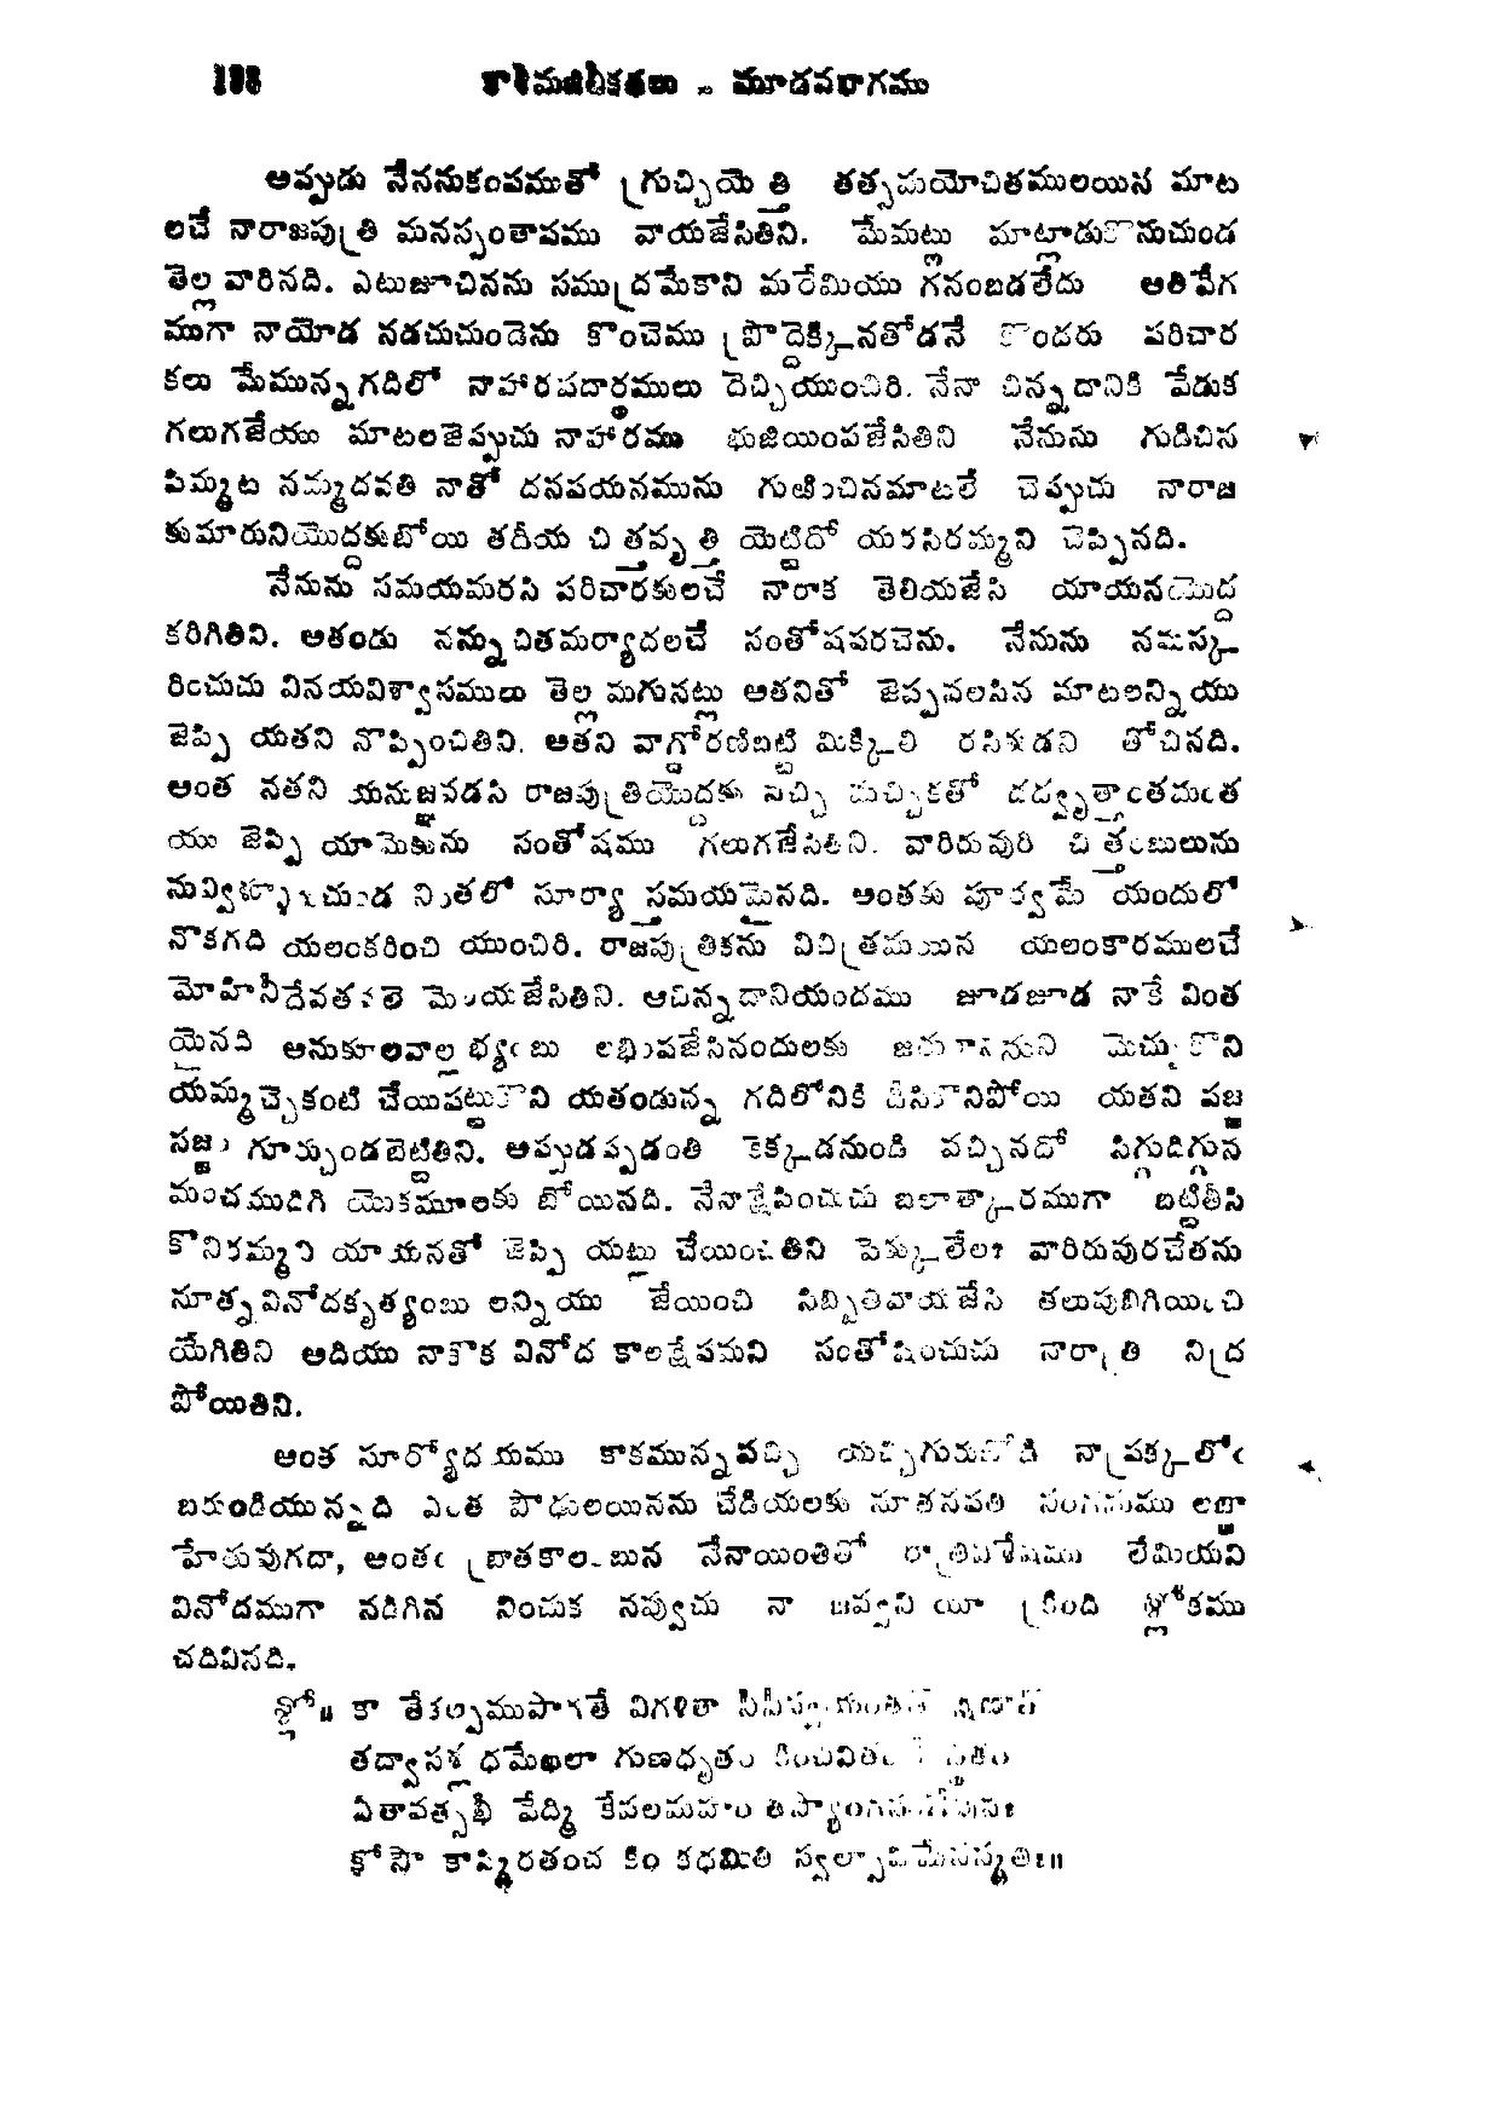అప్పుడు నే ననుకంపముతో గ్రుచ్చియెత్తి తత్సమయోచితములయిన మాటలచే నారాజపుత్రి మనస్సంతాపము వాయజేసితిని. మే మట్లు మాట్లాడుకొనుచుండ తెల్లవారినది. ఎటుజూచినను సముద్రమేకాని మరేమియు గనంబడలేదు అతివేగముగా నాయోడ నడచుచుండెను కొంచెము ప్రొద్దెక్కినతోడనే కొందరు పరిచారకలు మేమున్నగదిలో నాహారపదార్థములు దెచ్చియుంచిరి. నేనా చిన్నదానికి వేడుక గలుగజేయు మాటలజెప్పుచు నాహారము భుజియింపజేసితిని నేనును గుడిచిన
పిమ్మట నమ్మదవతి నాతో దనపయనమును గుఱించినమాటలే చెప్పుచు నారాజకుమారునియొద్దకు బోయి తదీయచిత్తవృత్తి యెట్టిదో యరసిరమ్మని చెప్పినది.

నేనును సమయమరసి పరిచారకులచే నారాక తెలియజేసి యాయనయొద్ద కరిగితిని. అతండు న న్నుచితమర్యాదలచే సంతోషపరచెను. నేనును నమస్కరించుచు వినయవిశ్వాసములు తెల్ల మగునట్లు అతనితో జెప్పవలసిన మాటలన్నియు జెప్పి యతని నొప్పించితిని. అతని వాగ్ధోరణిబట్టి మిక్కిలి రసికుడని తోచినది. అంత నతని యనుజ్ఞవడసి రాజపుత్రియొద్దకు వచ్చి మచ్చికతో దద్వృత్తాంతమంతయు జెప్పి యామెకును సంతోషము గలుగజేసితిని. వారిరువురి చిత్తంబులును నువ్విళ్ళూరుచుండ నింతలో సూర్యాస్తమయమైనది. అంతకు పూర్వమే యందులో నొకగది యలంకరించి యుంచిరి. రాజపుత్రికను విచిత్రమయిన యలంకారములచే మోహినీదేవతలె మెలయజేసితిని. ఆచిన్నదానియందము జూడజూడ నాకే వింతయైనది అనుకూలవాల్లభ్యంబు లభింపజేసినందులకు జతురాననుని మెచ్చుకొని యమ్మచ్చెకంటి చేయిపట్టుకొని యతండున్న గదిలోనికి దీసికొనిపోయి యతని పజ్జ సజ్జం గూర్చుండబెట్టితిని. అప్పు డప్పడంతి కెక్కడనుండి వచ్చినదో సిగ్గు దిగ్గున మంచము దిగి యొకమూలకు బోయినది. నే నాక్షేపించుచు బలాత్కారముగా బట్టి తీసికొనిరమ్మని యాయనతో జెప్పి యట్లు చేయించితిని పెక్కులేల? వారిరువురచేతను నూత్నవినోదకృత్యంబు లన్నియు జేయించి సిబ్బితవాయజేసి తలుపుబిగియించి యేగితిని అదియు నాకొక వినోద కాలక్షేపమని సంతోషించుచు నారాత్రి నిద్రపోయితిని.

అంత సూర్యోదయము కాకమున్నవచ్చి యచ్చిగురుబోడి నాప్రక్కలోఁ బరుండియున్నది ఎంత ప్రౌఢులయినను చేడియలకు నూతనపతి సంగమము లజ్జాహేతువుగదా, అంతఁ బ్రాతకాలంబున నేనాయింతితో రాత్రివిశేషము లేమియని వినోదముగా నడిగిన నించుక నవ్వుచు నా జవ్వని యీ క్రింది శ్లోకము చదివినది.

శ్లో॥ కా తేకల్పముపాగతే విగళితా నీవీన్వయం తత్ క్షణాత్
 తద్వాసశ్ల ధమేఖలా గుణధృతం కించినితంబే స్థితం
 ఏతావత్సఖీ వేద్మి కేవలమహం తస్యాంగనంగే పునః
 కో సౌ కాస్మిరతంచ కిం కధమితి స్వల్పావిమేనస్మతిః॥